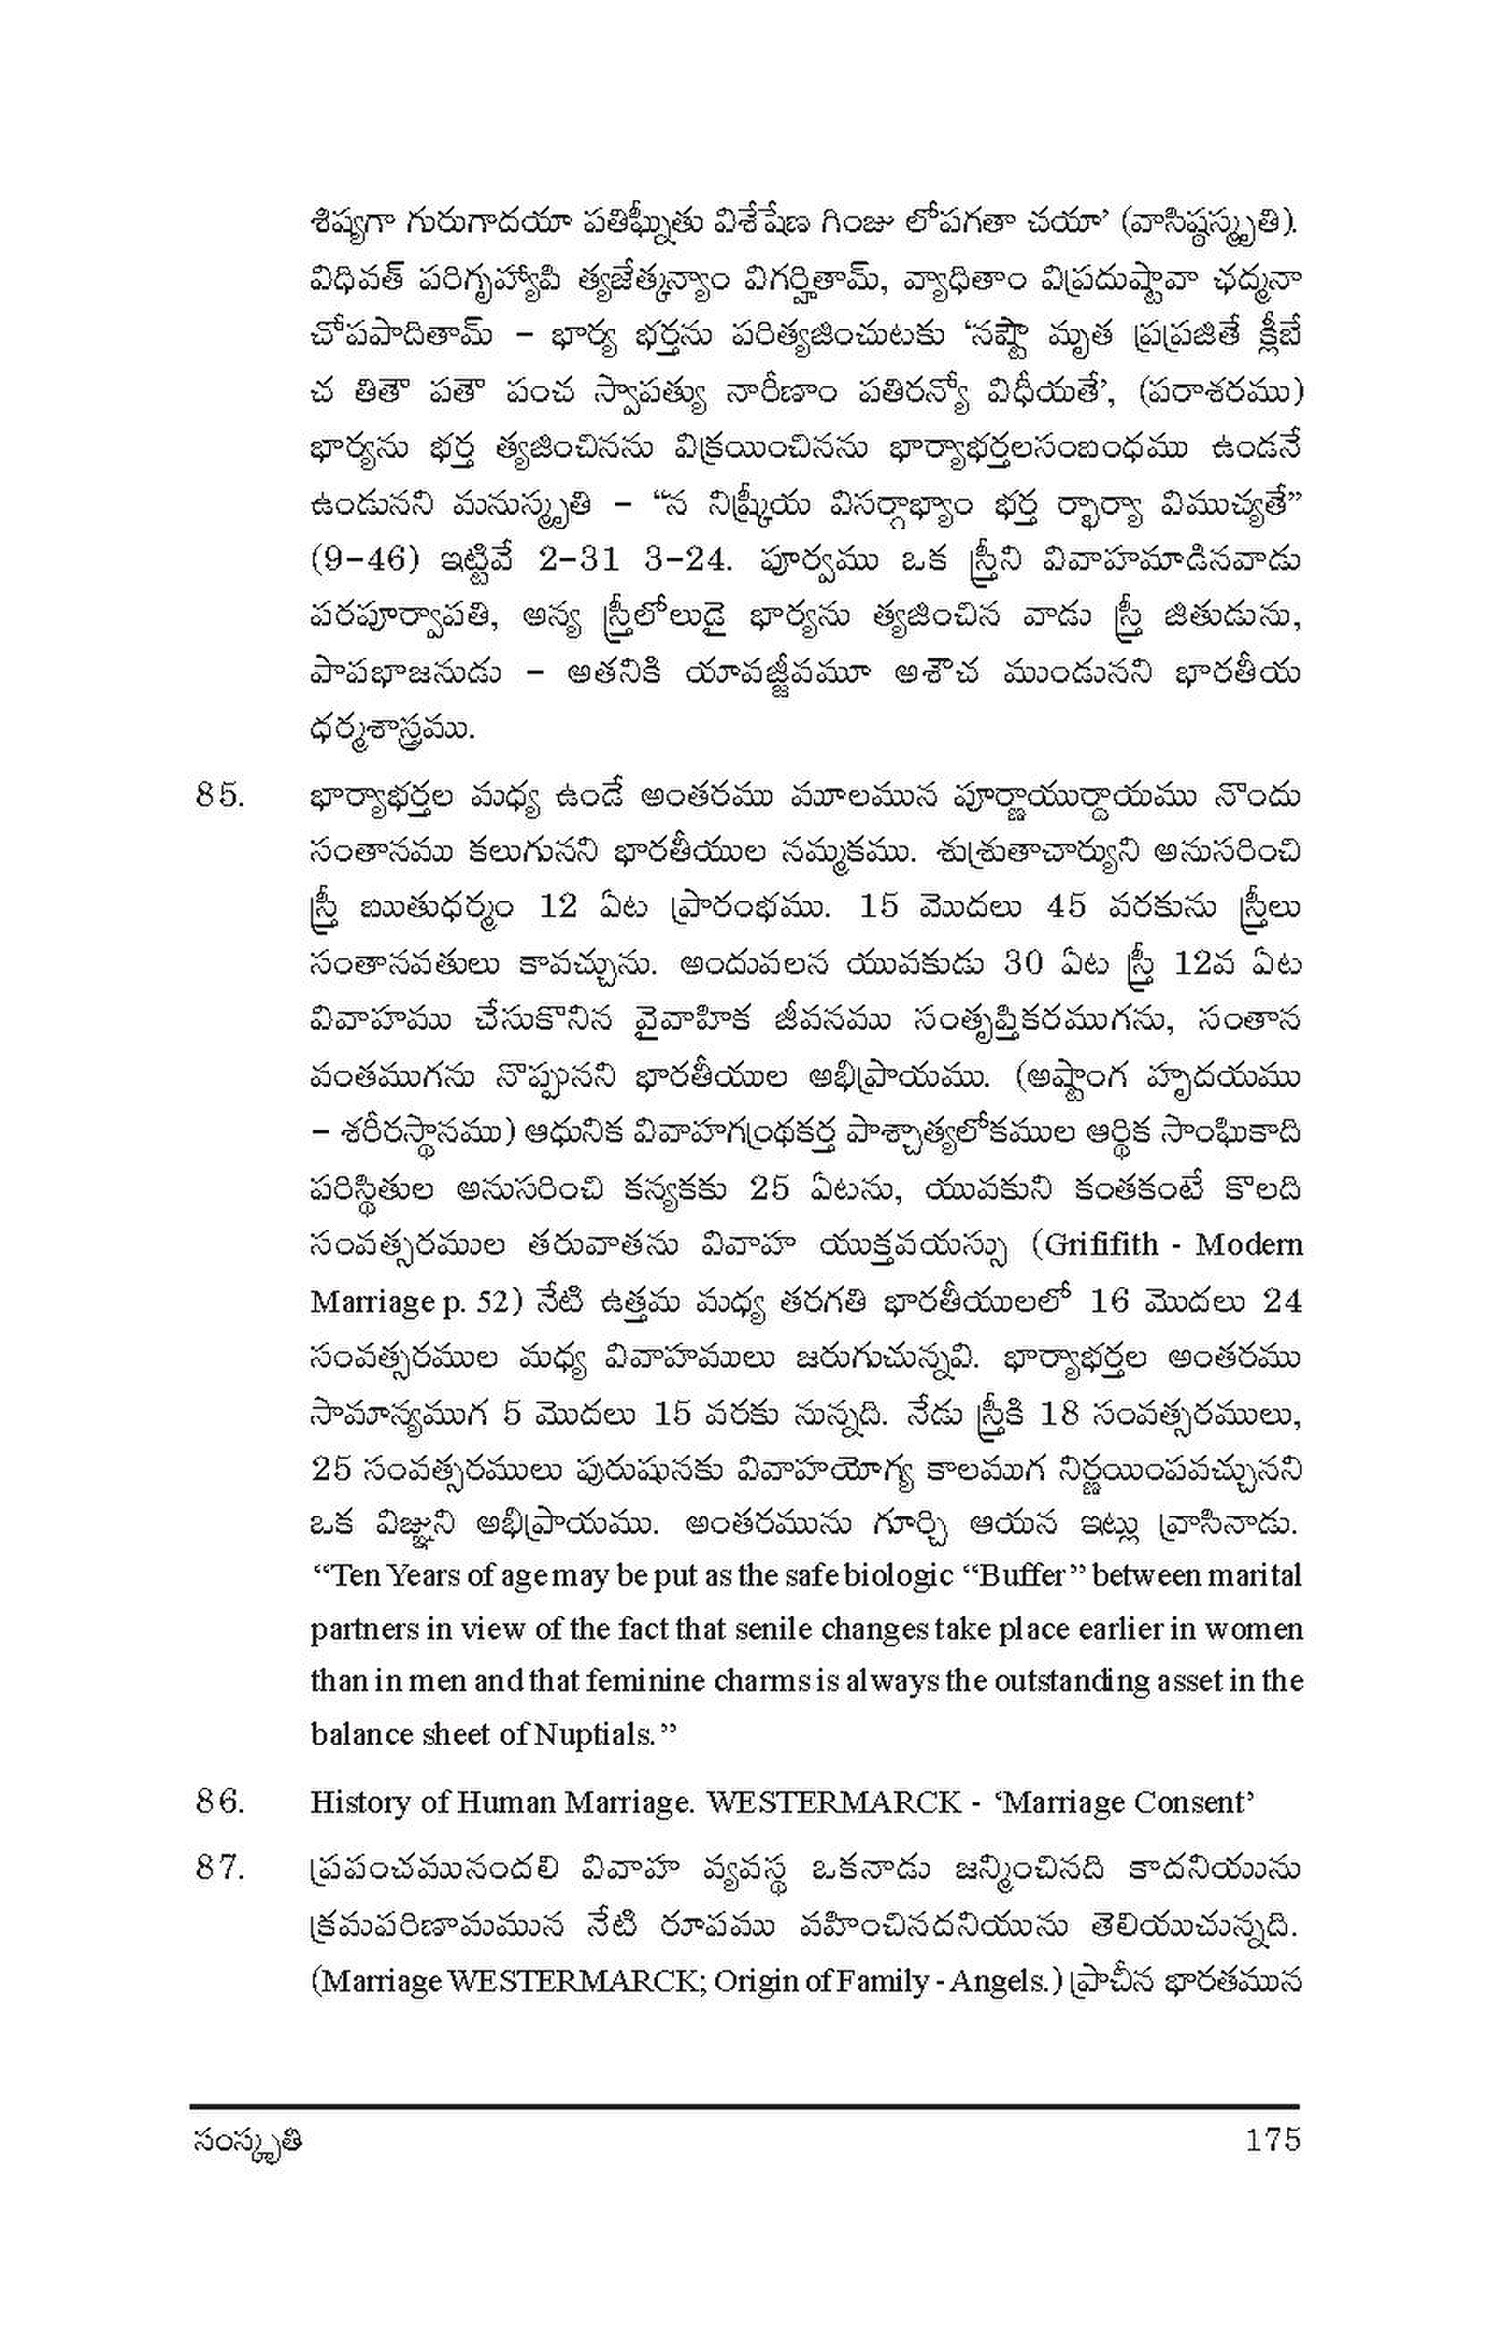శిష్యగా గురుగాదయా పతిఘ్నీతు విశేషేణ గింజు లోపగతా చయా' (వాసిష్ఠస్మృతి).
విధివత్ పరిగృహ్యాపి త్యజేత్కన్యాం విగర్హితామ్, వ్యాధితాం విప్రదుష్టావా ఛద్మనా
చోపపాదితామ్ - భార్య భర్తను పరిత్యజించుటకు 'నష్టా మృత ప్రప్రజితే క్లీబే
చ తీతౌ పతౌ పంచ స్వాపత్యు నారీణాం పతిరన్యో విధీయతే', (పరాశరము)
భార్యను భర్త త్యజించినను విక్రయించినను భార్యాభర్తల సంబంధము ఉండనే
ఉండునని మనుస్మృతి - "న నిష్క్రియ విసర్గాభ్యాం భర్త ర్భార్యా విముచ్యతే”
(9-46) ఇట్టివే 2-31 3-24. పూర్వము ఒక స్త్రీని వివాహమాడినవాడు
పరపూర్వాపతి, అన్య స్త్రీలోలుడై భార్యను త్యజించిన వాడు స్త్రీ జితుడును 
పాపభాజనుడు - అతనికి యావజ్జీవమూ అశౌచ ముండునని భారతీయ
ధర్మశాస్త్రము.

85. భార్యాభర్తల మధ్య ఉండే అంతరము మూలమున పూర్ణాయుర్దాయము నొందు
సంతానము కలుగునని భారతీయుల నమ్మకము. శుశ్రుతాచార్యుని అనుసరించి
స్త్రీ ఋతుధర్మం 12 ఏట ప్రారంభము. 15 మొదలు 45 వరకును స్త్రీలు
సంతానవతులు కావచ్చును. అందువలన యువకుడు 30 ఏట స్త్రీ 12వ ఏట
వివాహము చేసుకొనిన వైవాహిక జీవనము సంతృప్తికరముగను, సంతాన
వంతముగను నొప్పునని భారతీయుల అభిప్రాయము. (అష్టాంగ హృదయము
- శరీరస్థానము) ఆధునిక వివాహగ్రంథకర్త పాశ్చాత్యలోకముల ఆర్థిక సాంఘికాది
పరిస్థితులు అనుసరించి కన్యకకు 25 ఏటను, యువకుని కంతకంటే కొలది
సంవత్సరముల తరువాతను వివాహ యుక్తవయస్సు (Griffith Moderm
Marriage p. 52) నేటి ఉత్తమ మధ్య తరగతి భారతీయులలో 16 మొదలు 24
సంవత్సరముల మధ్య వివాహములు జరుగుచున్నవి. భార్యాభర్తల అంతరము
సామాన్యముగ 5 మొదలు 15 వరకు నున్నది. నేడు స్త్రీకి 18 సంవత్సరములు,
25 సంవత్సరములు పురుషునకు వివాహయోగ్య కాలముగ నిర్ణయింపవచ్చునని
ఒక విజ్ఞుని అభిప్రాయము. అంతరమును గూర్చి ఆయన ఇట్లు వ్రాసినాడు.
"Ten Years of age may be put as the safe biologic "Buffer" between marital
partners in view of the fact that senile changes take place earlier in women
than in men and that feminine charms is always the outstanding asset in the
balance sheet of Nuptials.".

86. History of Human Marriage. WESTERMARCK- 'Marriage Consent'

87. ప్రపంచమునందలి వివాహ వ్యవస్థ ఒకనాడు జన్మించినది కాదనియును
క్రమపరిణామమున నేటి రూపము వహించినదనియును తెలియుచున్నది.
(Marriage WESTERMARCK; Origin of Family Angels.) ప్రాచీన భారతమున